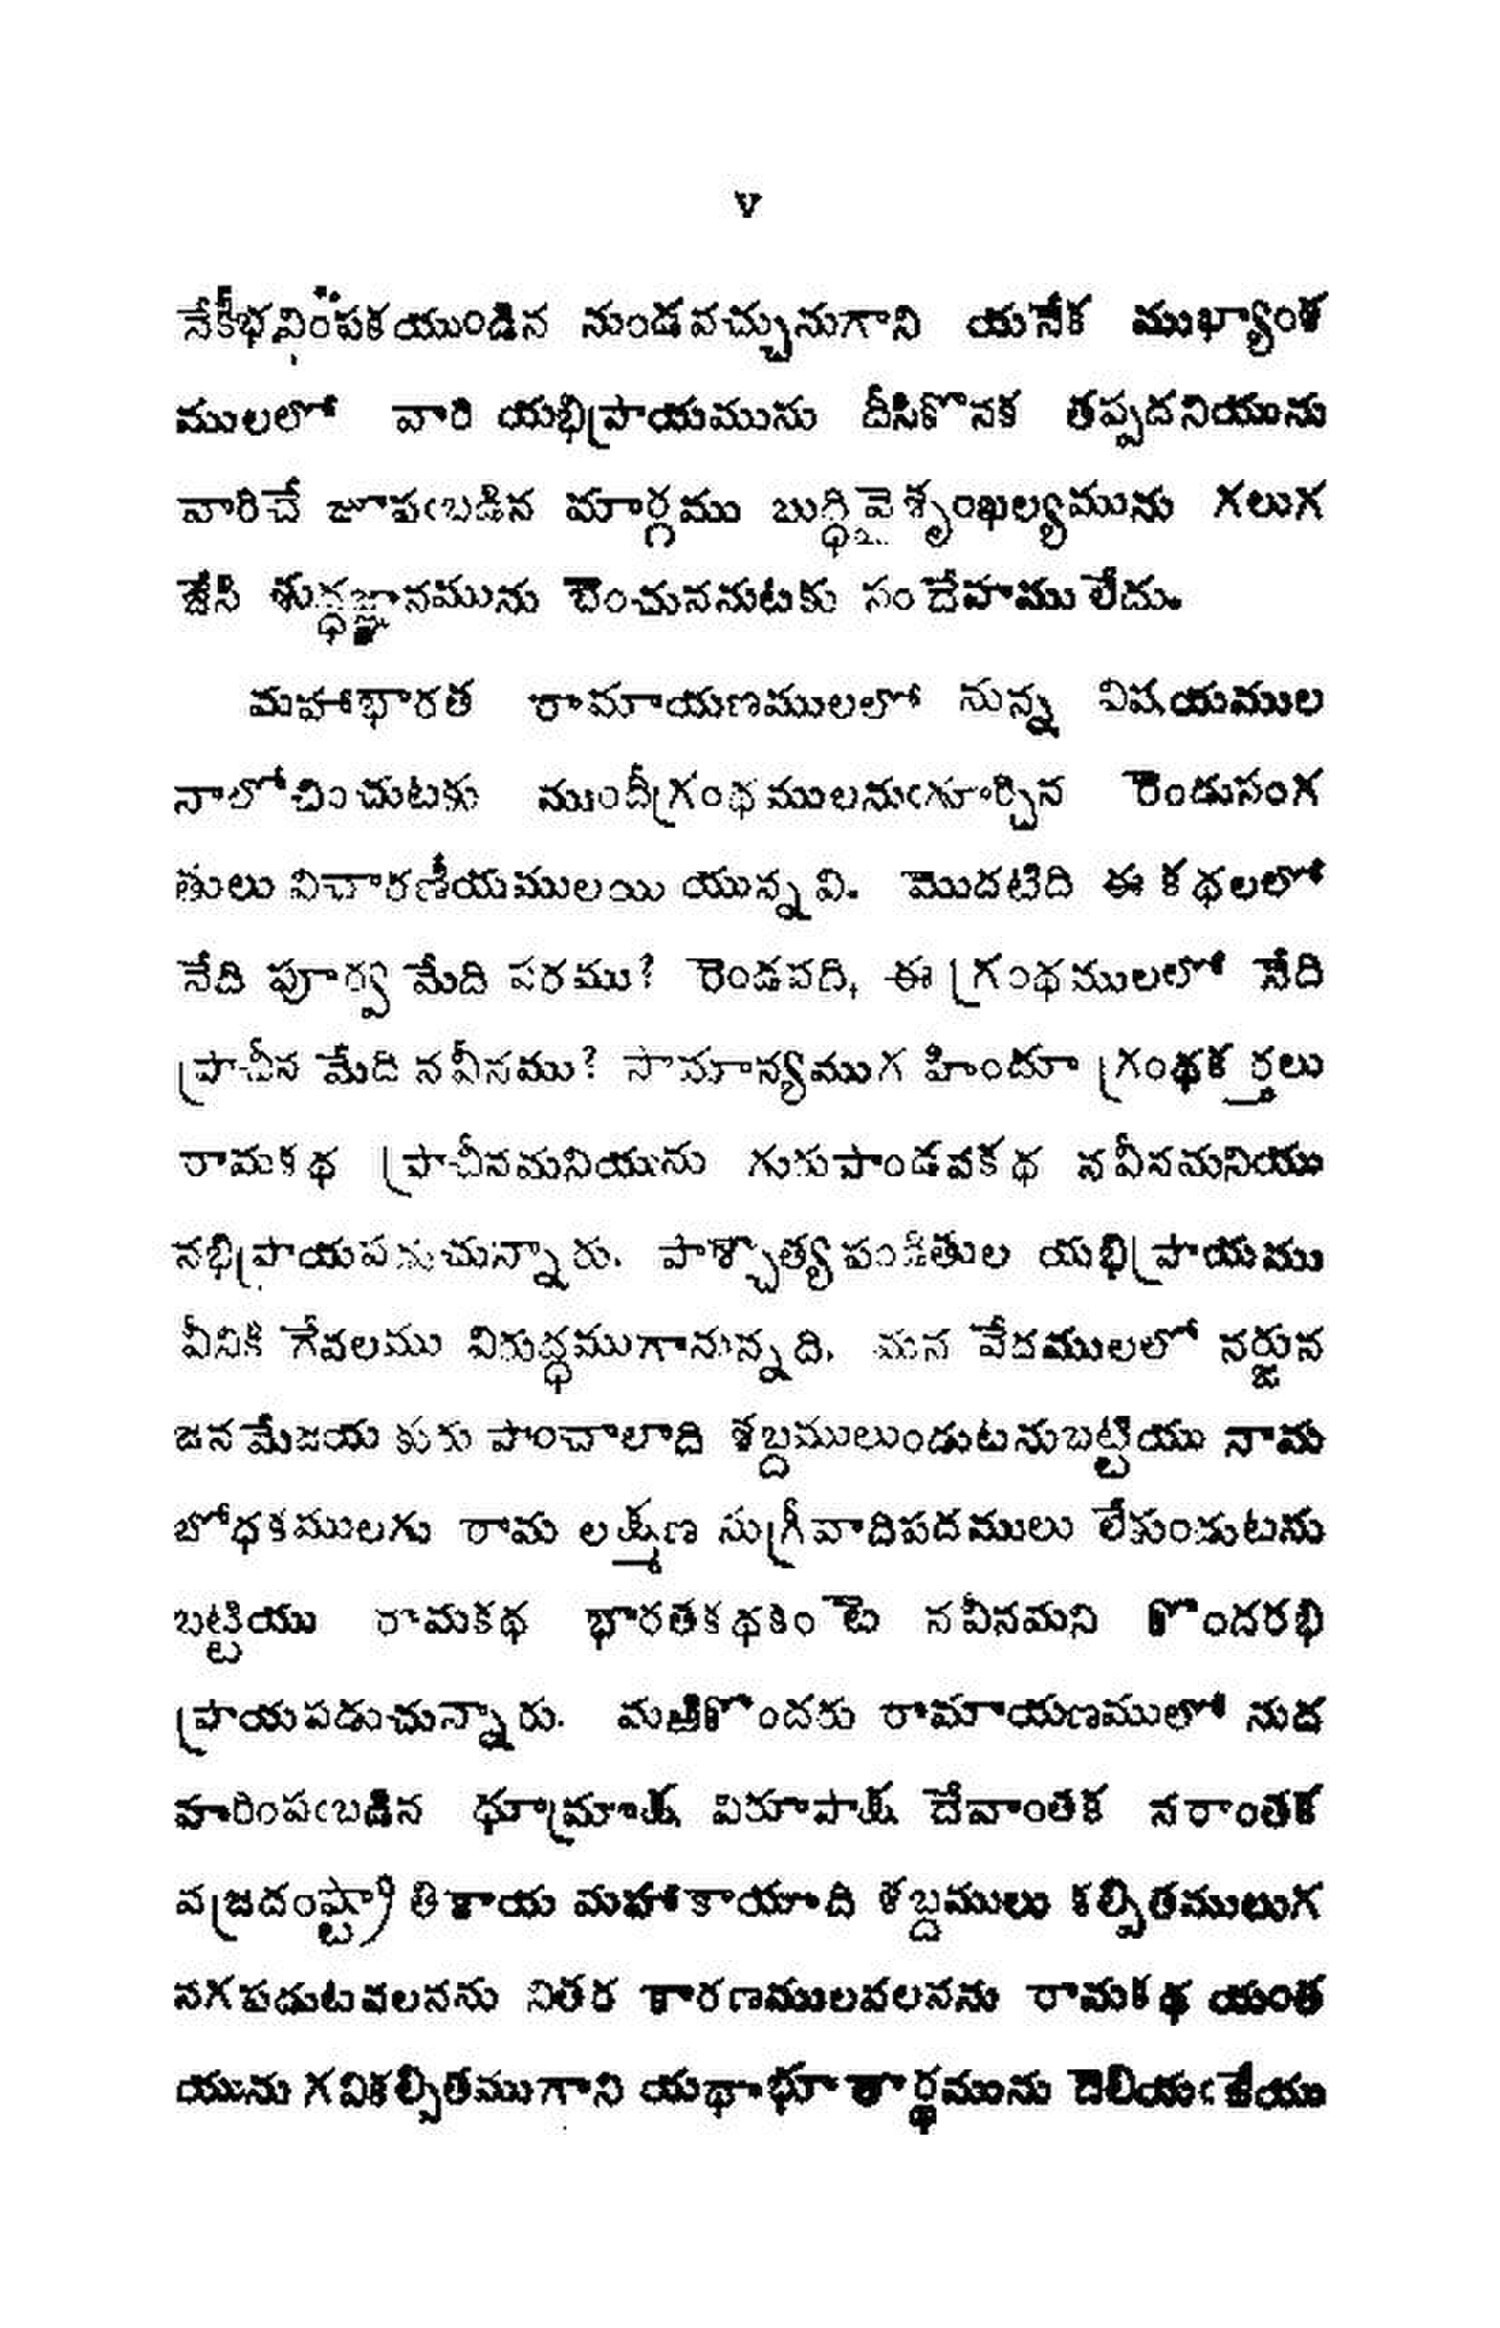నేకీభవింపక యుండిన నుండవచ్చునుగాని యనేక ముఖ్యాంశములలో వారి యభిప్రాయమును దీసికొనక తప్పదనియును వారిచే జూపఁబడిన మార్గము బుద్ధివైశృంఖల్యమును గలుగ జేసి శుద్ధజ్ఞానమును బెంచుననుటకు సందేహములేదు

మహాభారత రామాయణములలో నున్న విషయముల నాలోచించుటకు ముందీగ్రంథములనుఁ గూర్చిన రెండుసంగతులు విచారణీయములయి యున్నవి. మొదటిది ఈ కథలలో నేది పూర్వ మేది పరము ? రెండవది, ఈ గ్రంథములలో నేది ప్రాచీన మేది నవీనము ? సామాన్యముగ హిందూ గ్రంథకర్తలు రామకథ ప్రాచీనమనియును గురుపాండవకథ నవీనమనియు నభిప్రాయపడుచున్నారు. పాశ్చాత్యపండితుల యభిప్రాయము వీనికి గేవలము విరుద్ధముగానున్నది. మన వేదములలో నర్జున
జనమేజయ కురు పాంచాలాది శబ్దములుండుటనుబట్టియు నామ బోధకములగు రామ లక్ష్మణ సుగ్రీవాదిపదములు లేకుండుటను బట్టియు రామకథ భారతకథకింటె నవీనమని కొందరభిప్రాయ పడుచున్నారు. మఱికొందరు రామాయణములో నుదహరింపఁబడిన ధూమ్రాక్ష విరూపాక్ష దేవాంతక నరాంతక వజ్రదంష్ట్రాతికాయ మహాకాయాది శబ్దములు కల్పితములుగ నగపడుటవలనను నితర కారణములవలనను రామకథయంతయును గవికల్పితముగాని యథాభూతార్థమును దెలియఁజేయు